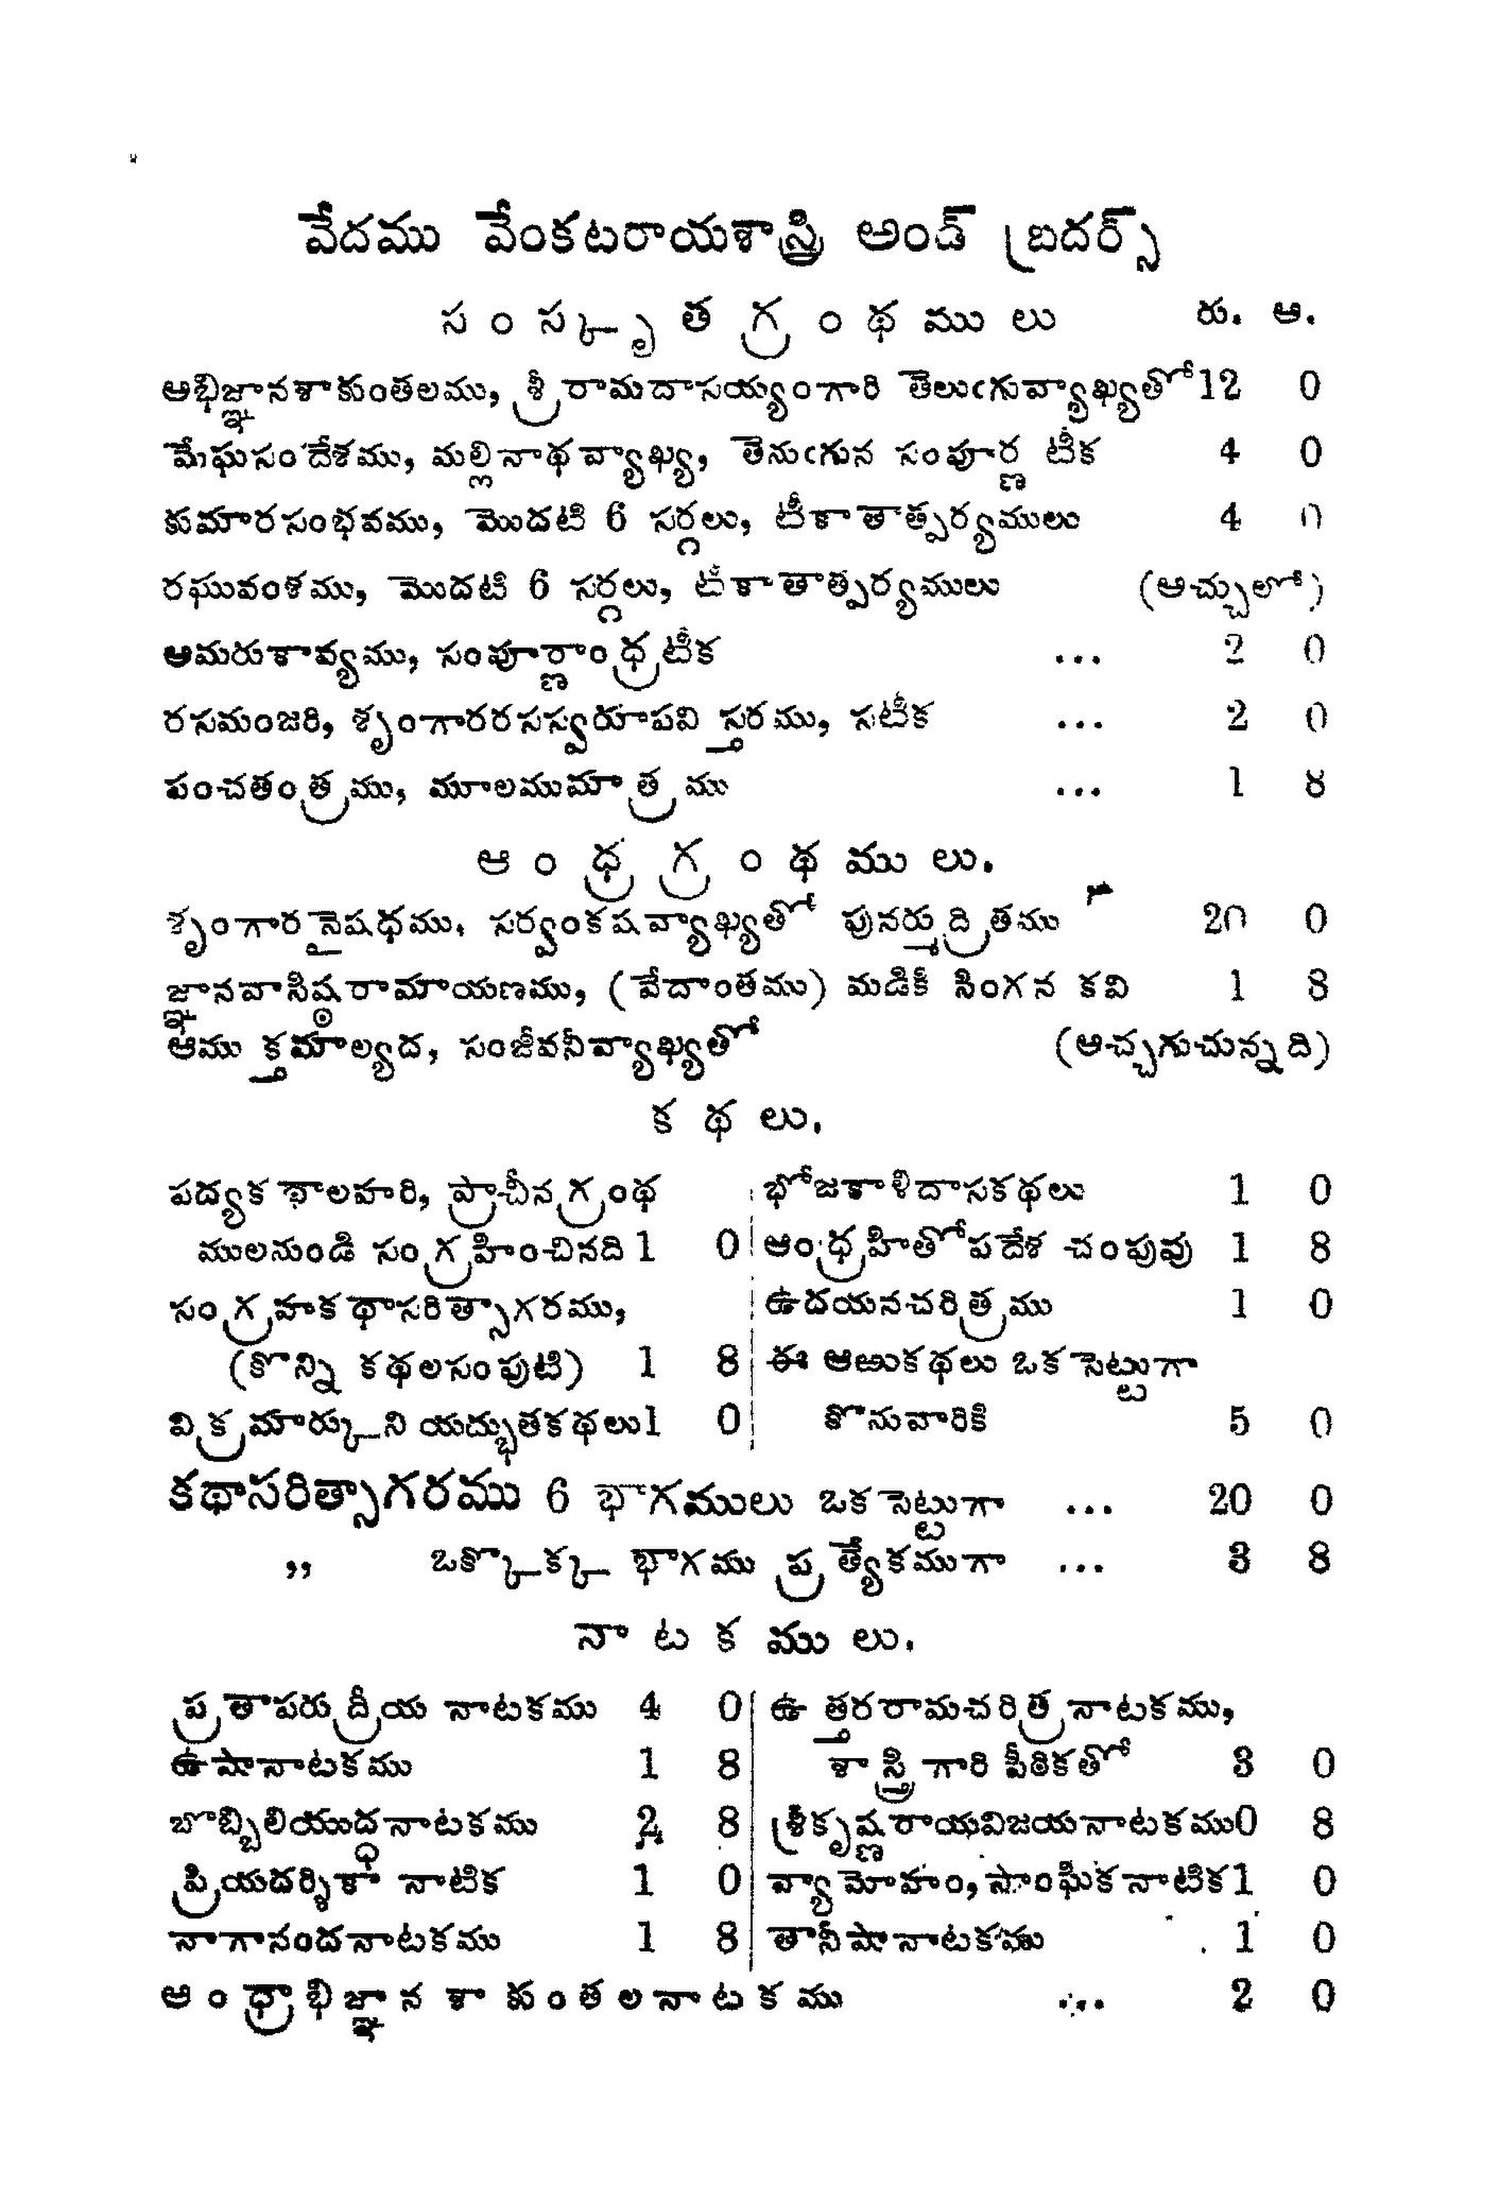వేదము వేంకటరాయశాస్త్రి అండ్ బ్రదర్స్
 సంస్కృతగ్రంథములు రు. అ. అభిజ్ఞానశాకుంతలము శ్రీరామదాసయ్యంగారి తెలుఁగువ్యాఖ్యతో 12 0 మేఘసందేశము మల్లినాథవ్యాఖ్య, తెనుఁగున సంపూర్ణ టీక 4 0 కుమారసంభవము, మొదటి 6 సర్గలు, టీకాతాత్పర్యములు 4 0 రఘువంశము, మొదటి 6 సర్గలు, టీకాతాత్పర్యములు (అచ్చులో) అమరకావ్యము, సంపూర్ణాంధ్రటీక 2 0 రసమంజరి, శృంగారరసస్వరూపవిస్తరము, సటీక 2 0 పంచతంత్రము, మూలముమాత్రము 1 8

 ఆంధ్ర గ్రంథములు రు. అ. శృంగారనైషధము సర్వంకషవ్యాఖ్యతో పునర్ముద్రితము 20 0 జ్ఞానవాసిష్ఠరామాయణము, (వేదాంతము) మడికి సింగన కవి 1 8 ఆముక్తమాల్యద, సంజీవనీవ్యాఖ్యతో (అచ్చగుచున్నది)

 కథలు రు. అ. పద్యకథాలహరి, ప్రాచీనగ్రంథములనుండి సంగ్రహించినది 1 0 సంగ్రహకథాసరిత్సాగరము, కొన్ని కథలసంపుటి) 1 8 విక్రమార్కుని యద్భుతకథలు 1 0 భోజకాళిదాసకథలు 1 0 ఆంధ్రహితోపదేశ చంపువు 1 8 ఉదయనచరిత్రము 1 0 ఈ ఆఱుకథలు ఒకసెట్టుగా కొనువారికి 5 0

కథాసరిత్సాగరము 6 భాగములు ఒకసెట్టుగా రు. 20 0కథాసరిత్సాగరము ఒక్కొక్కభాగము ప్రత్యేకముగా రు. 3 8

 నాటకములు రు. అ ప్రతాపరుద్రీయ నాటకము 4 0 ఉషానాటకము 1 8 బొబ్బిలియుద్ధనాటకము 2 8 ప్రియదర్శికా నాటిక 1 0 నాగానంద నాటకము 1 8 ఉత్తరరామచరిత్ర నాటకము శాస్త్రిగారి పీఠికతో 3 0 శ్రీకృష్ణరాయవిజయనాటకము 0 8 వ్యామోహం, సాంఘిక నాటిక 1 0 తానీషానాటకము 1 0 ఆంధ్రాభిజ్ఞాన శాకుంతలనాటకము 2 0